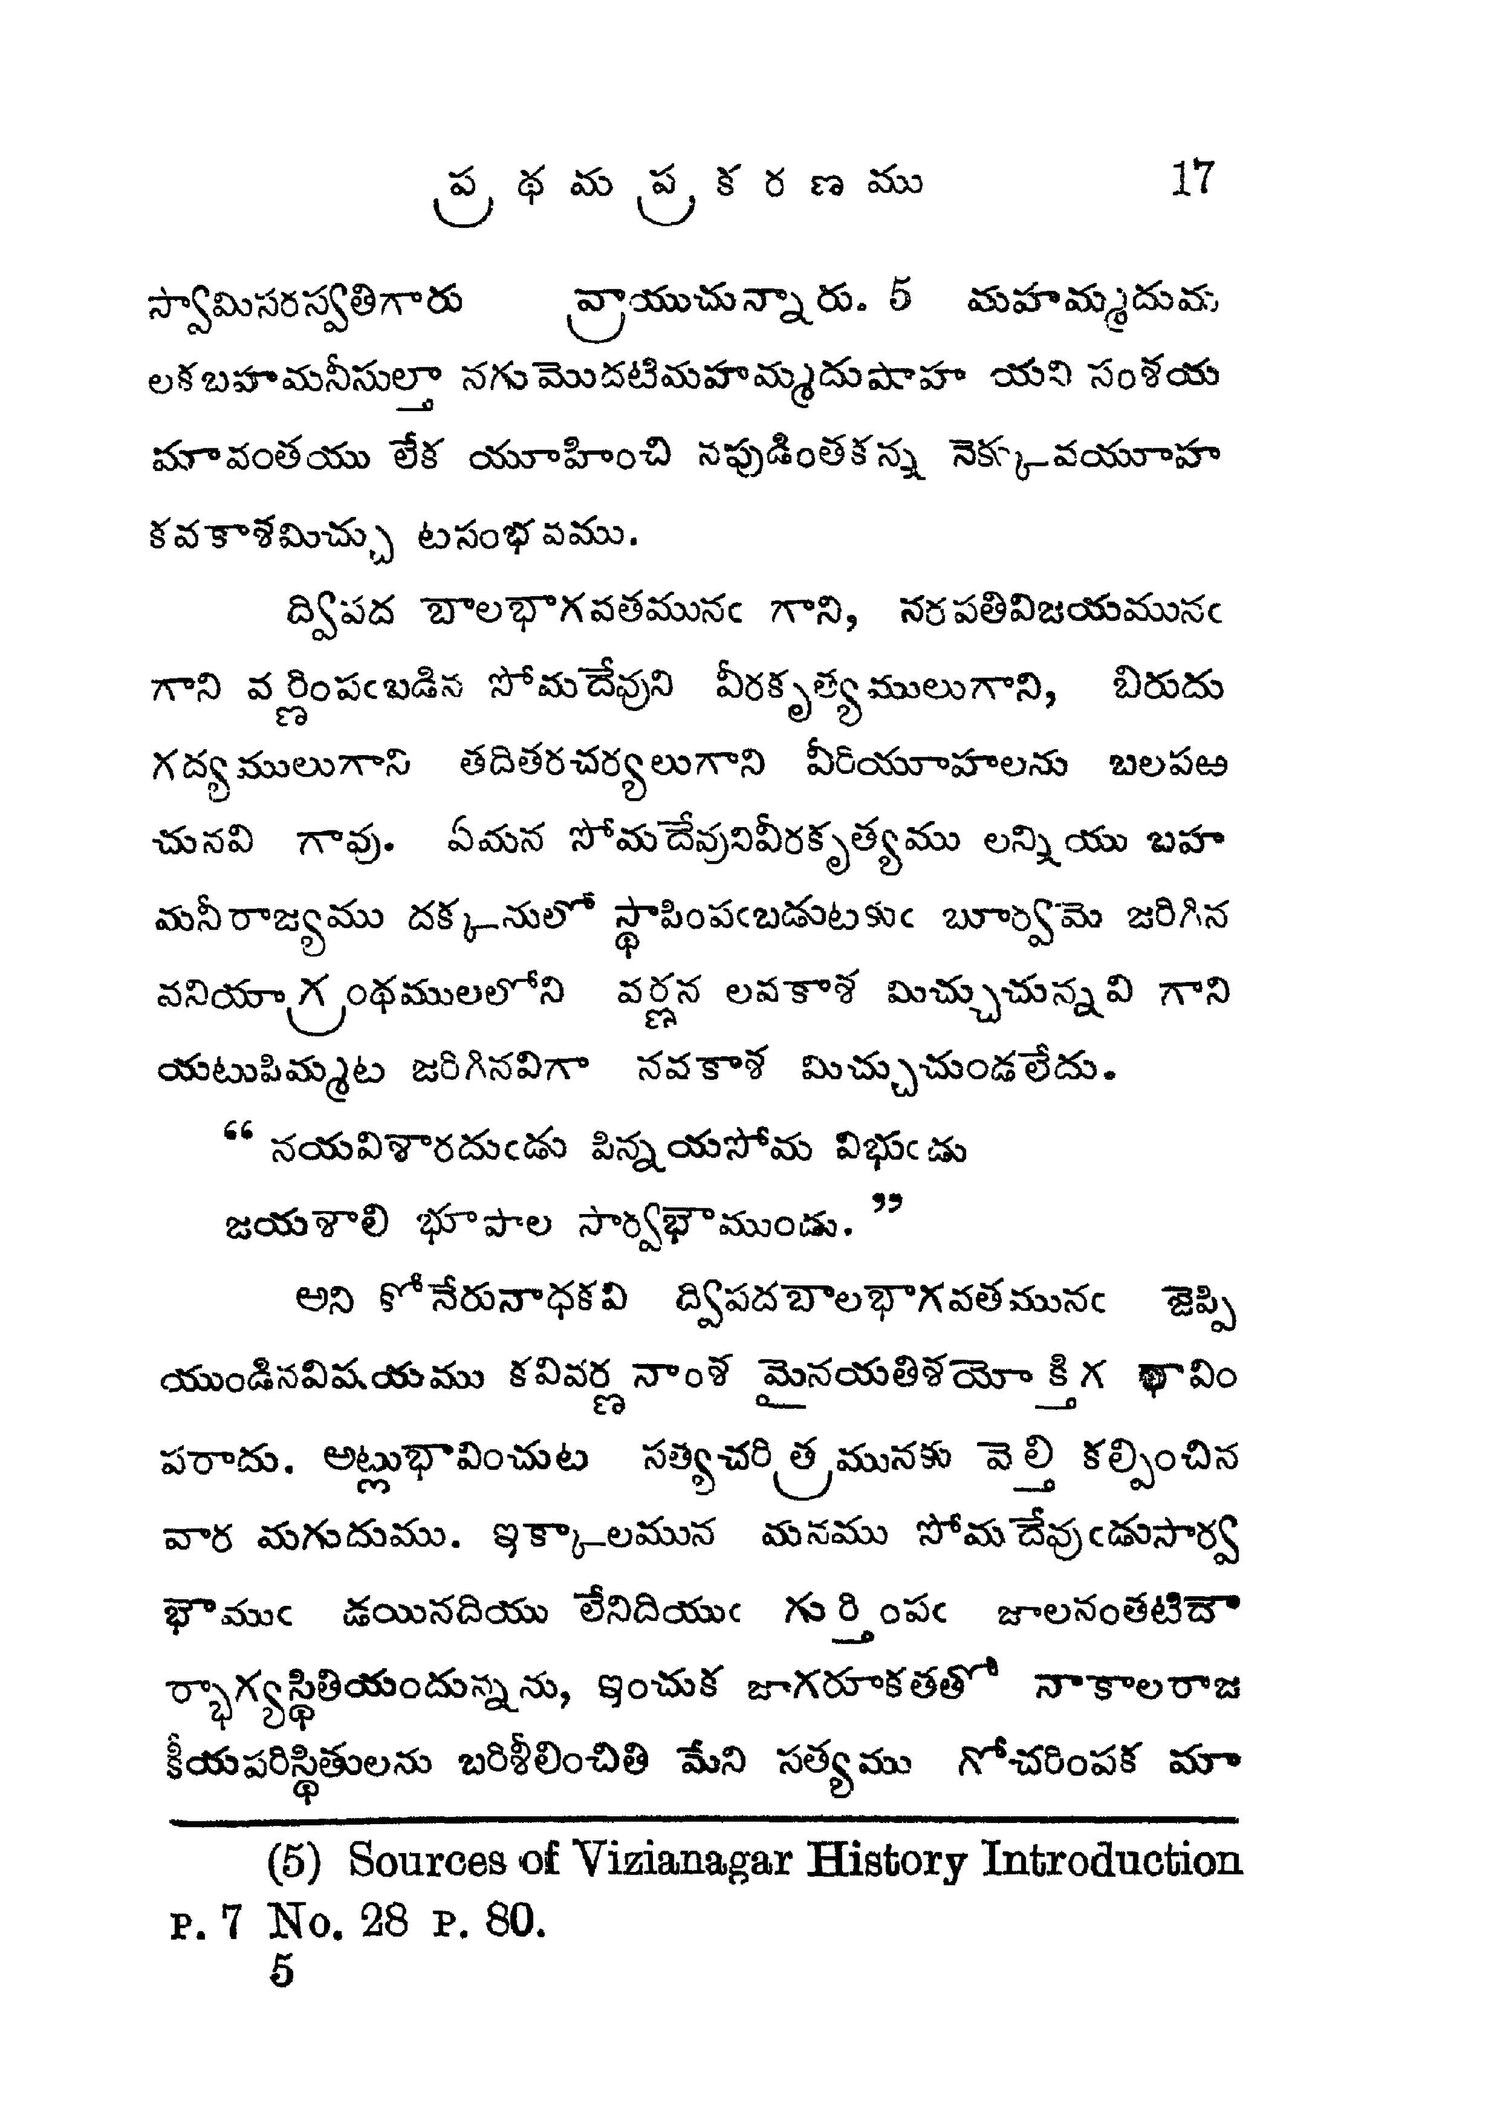స్వామిసరస్వతిగారు వ్రాయుచున్నారు. మహమ్మదుమలకబహమనీసుల్తా నగుమొదటి మహమ్మదుషాహ యని సంశయ మావంతయు లేక యూహించి నపుడింతకన్న నెక్కువయూహ కవకాశమిచ్చు టసంభవము.

ద్విపద బాలభాగవతమున గాని, నరపతివిజయమున గాని వర్ణింపబడిన సోమదేవుని వీరకృత్యములుగాని, బిరుదు గద్యములుగాని తదితరచర్యలుగాని వీరియూహలను బలపఱచునవి గావు. ఏమన సోమదేవునివీరకృత్యము లన్నియు బహమనీరాజ్యము దక్కనులో స్థాపింపబడుటకు బూర్వమె జరిగిన వనియాగ్రంథములలోని వర్ణన లవకాశ మిచ్చుచున్నవి గాని యటుపిమ్మట జరిగినవిగా నవకాశ మిచ్చుచుండలేదు

 "నయవిశారదుడు పిన్నయసోమ విభుడు
 జయశాలి భూపాల సార్వభౌముండు."

అని కోనేరునాధకవి ద్విపదబాలభాగవతమున జెప్పియుండినవిషయము కవివర్ణ నాంశ మైనయతిశయోక్తిగ భావింపరాదు. అట్లుభావించుట సత్యచరిత్రమునకు వెల్తి కల్పించినవార మగుదుము. ఇక్కాలమున మనము సోమదేవుడుసార్వభౌము డయినది లేనిదియు గుర్తింప జాలనంతటి దౌర్భాగ్యస్థితియందున్నను, ఇంచుక జాగరూకతతో నాకాలరాజకీయపరిస్థితులను బరిశీలించితి మేని సత్యము గోచరింపక మా